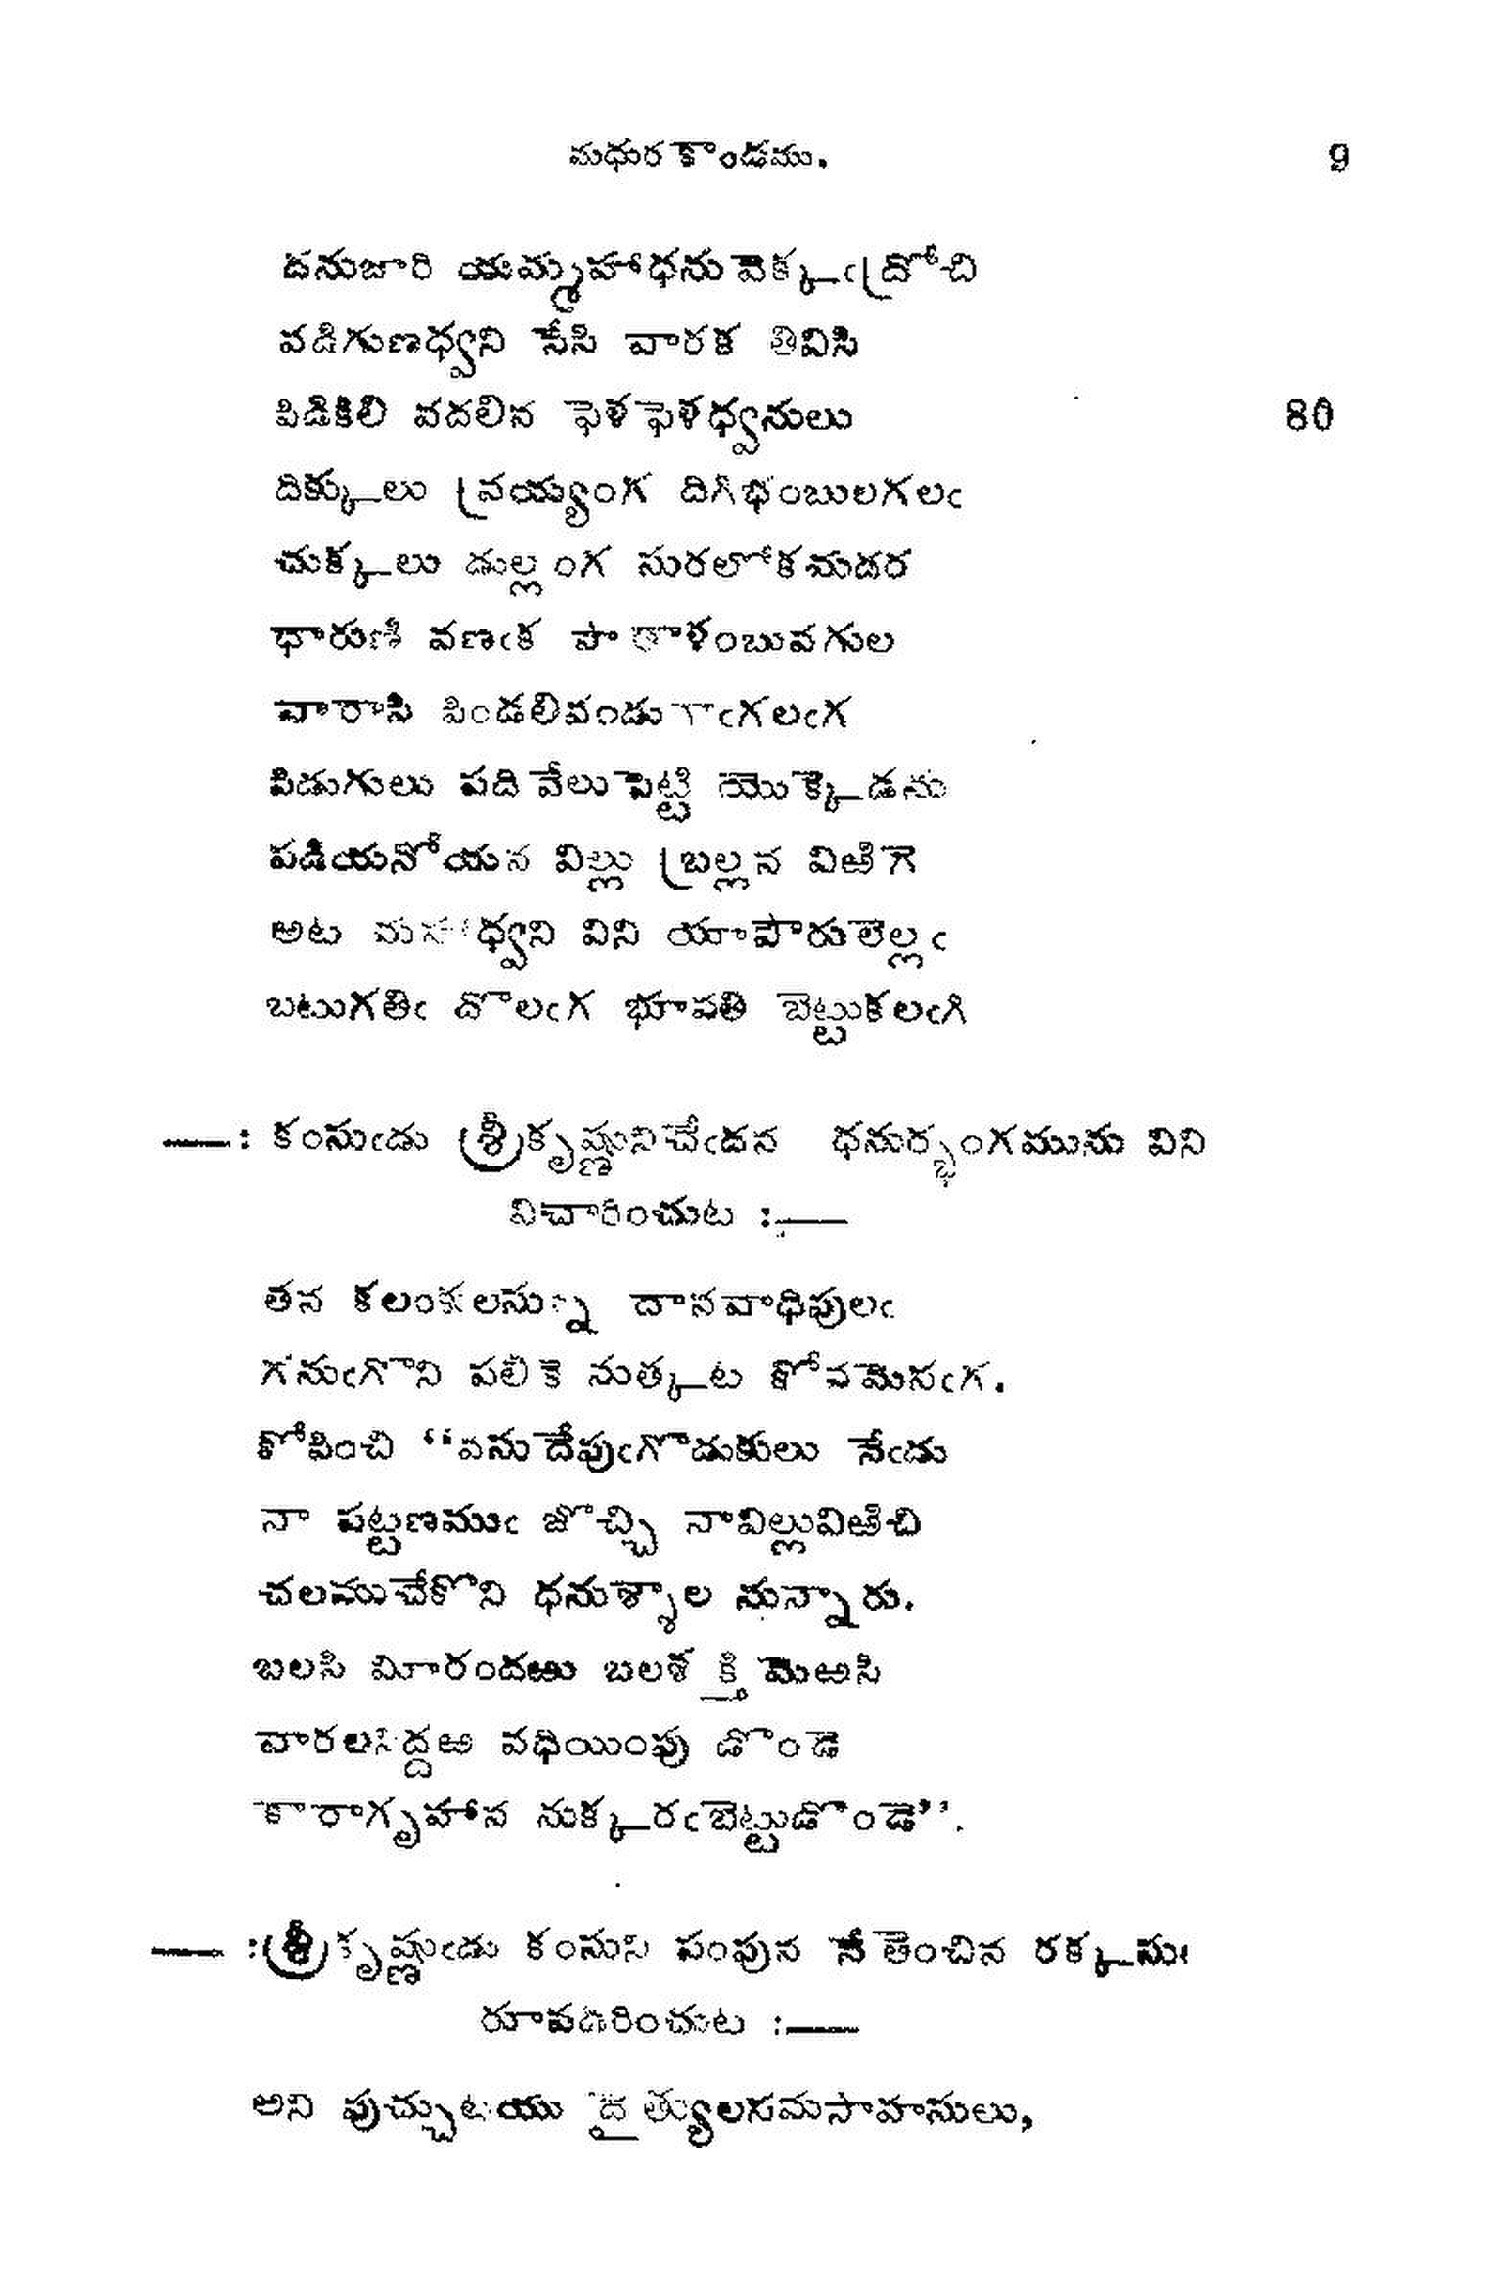దనుజారి యమ్మహాధను వెక్కఁద్రోచి
వడిగుణధ్వని సేసి వారక తివిసి
పిడికిలి వదలిన ఫెళఫెళధ్వనులు
దిక్కులు వ్రయ్యంగ దిగిభంబు లగలఁ
చుక్కలు డుల్లంగ సురలోక మదర
ధారుణి వణక పాతాళంబు వగుల
వారాసి పిండలివండుగాఁ గలఁగ
పిడుగులు పదివేలు పెట్టి యొక్కెడను
పడియనోయన విల్లు బ్రల్లన విఱిగె
అట మహాధ్వని విని యాపౌరులెల్లఁ
బటుగతిఁ దొలఁగ భూపతి బెట్టుకలఁగి

తన కలంకులనుస్న దానవాధిపులఁ
గనుఁగొని పలికె నుత్కటకోప మెసఁగ.
డోపించి “వసుదేవుఁగొడుకులు నేఁడు
నా పట్టణముఁ జొచ్చి నావిల్లు విఱిచి
చలము చేకొని ధనుశ్శాల నున్నారు.
బలసి మీరందఱు బలశక్తి
వారలనిద్దఱ వధియింపు డొండె
కారాగృహాన నుక్కరఁబెట్టుడొండె”.

అని పుచ్చుటయు దైత్యు లసమసాహసులు,